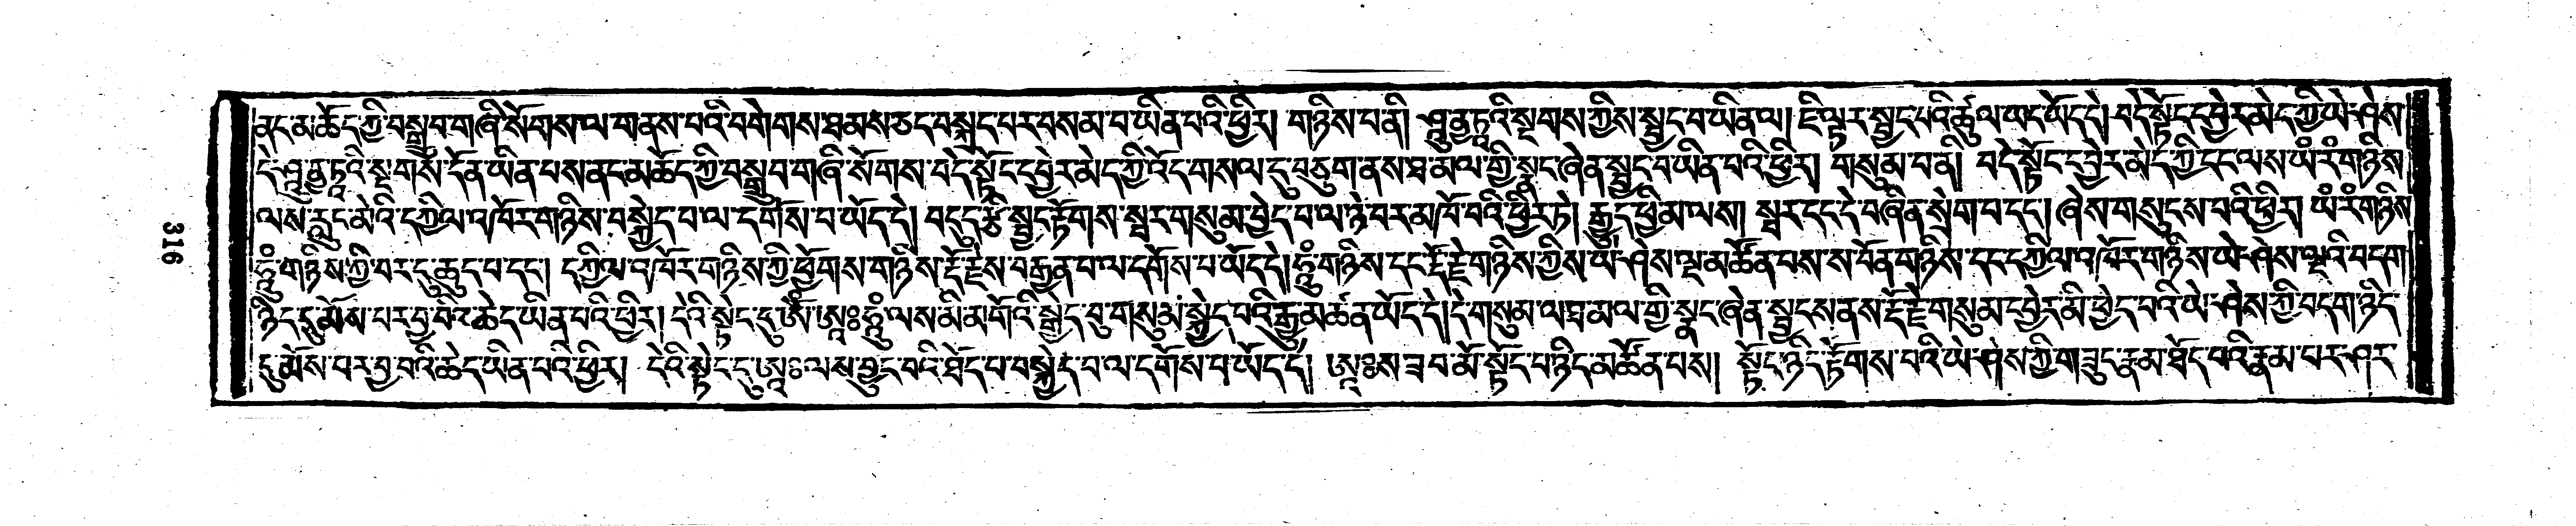ནང་མཆོད་ཀྱི་བསྒྲུབ་གཞི་སོགས་ལ་གནས་པའི་བགེགས་ཐམས་ཅད་བསྐྲད་པར་བསམ་པ་ཡིན་པའི་ཕྱིར། གཉིས་པ་ནི། ཤཱུ་ནྱ་ཏཱའི་སྔགས་ཀྱིས་སྦྱང་བ་ཡིན་ལ། ཇི་ལྟར་སྦྱང་བའི་ཚུལ་ཡང་ཡོད་དེ། བདེ་སྟོང་དབྱེར་མེད་ཀྱི་ཡེ་ཤེས་
དེ་ཤཱུ་ནྱ་ཏཱའི་སྔགས་དོན་ཡིན་པས་ནང་མཆོད་ཀྱི་བསྒྲུབ་གཞི་སོགས་བདེ་སྟོང་དབྱེར་མེད་ཀྱི་འོད་གསལ་དུ་བཅུག་ནས་ཐ་མལ་གྱི་སྣང་ཞེན་སྦྱང་བ་ཡིན་པའི་ཕྱིར། གསུམ་པ་ནི། བདེ་སྟོང་དབྱེར་མེད་ཀྱི་ངང་ལས་ཡཾ་རཾ་གཉིས་
ལས་རླུང་མེའི་དཀྱིལ་འཁོར་གཉིས་བསྐྱེད་པ་ལ་དགོས་པ་ཡོད་དེ། བདུད་རྩི་སྦྱང་རྟོགས་སྦར་གསུམ་བྱེད་པ་ལ་ཉེ་བར་མཁོ་བའི་ཕྱིར་ཏེ། རྒྱུད་ཕྱི་མ་ལས། སྦར་དང་དེ་བཞིན་སོག་པ་དང་། ཞེས་གསུངས་པའི་ཕྱིར། ཡཾ་རཾ་གཉིས་
ཧཱུཾ་གཉིས་ཀྱི་བར་དུ་ཆུད་པ་དང་། དཀྱིལ་འཁོར་གཉིས་ཀྱི་ཕྱོགས་གཉིས་རྡོ་རྗེས་བརྒྱན་པ་ལ་དགོས་པ་ཡོད་དེ། ཧཱུཾ་གཉིས་དང་རྡོ་རྗེ་གཉིས་ཀྱིས་ཡེ་ཤེས་ལྔ་མཚོན་པས་ས་བོན་གཉིས་དང་དཀྱིལ་འཁོར་གཉིས་ཡེ་ཤེས་ལྔའི་བདག་
ཉིད་དུ་མོས་བར་བྱ་བའི་ཆེད་ཡིན་པའི་ཕྱིར། དེའི་སྟེང་དུ་ཨོཾ་ཨཿ ཧཱུཾ་ལས་མི་མགོའི་སྐྱེད་བུ་གསུམ་སྐྱེད་པའི་རྒྱུ་མཚན་ཡོད་དེ། དེ་གསུམ་ལ་ཐ་མལ་གྱི་སྣང་ཞེན་སྦྱངས་ནས་རྡོ་རྗེ་གསུམ་དབྱེར་མི་ཕྱེད་པའི་ཡེ་ཤེས་ཀྱི་བདག་ཉིད་
དུ་མོས་བར་བྱ་བའི་ཆེད་ཡིན་པའི་ཕྱིར། དེའི་སྟེང་དུ་ཨཱཿ ལས་བྱུང་བའི་ཐོད་པ་བསྐྱེད་པ་ལ་དགོས་པ་ཡོད་དེ། ཨཱཿ ས་ཟབ་མོ་སྟོང་པ་ཉིད་མཚོན་པས། སྟོང་ཉིད་རྟོགས་པའི་ཡེ་ཤེས་ཀྱི་གཟུང་རྣམ་ཐོད་པའི་རྣམ་པར་ཤར་